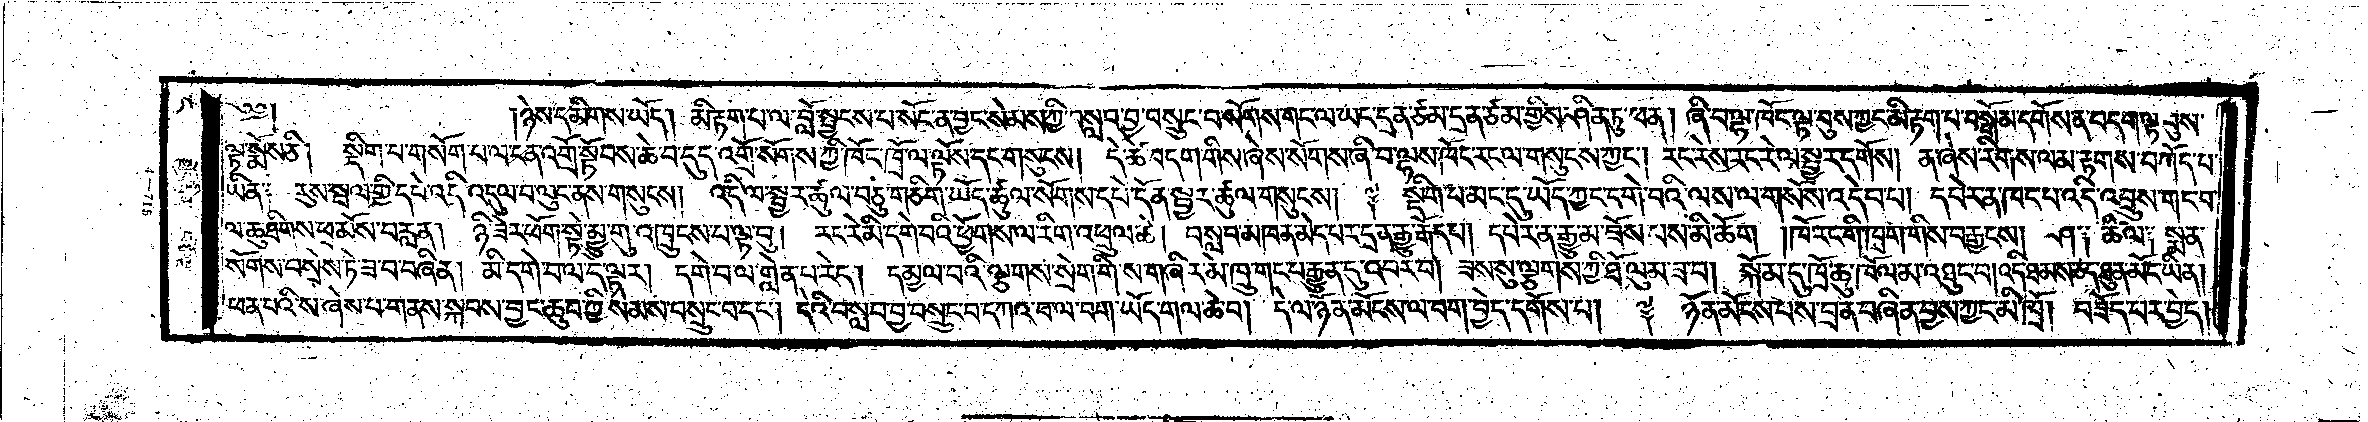༄༅། །ཉེས་དམིགས་ཡོད། མི་རྟག་པ་ལ་བློ་སྤྱངས་པ་སོང་ན་བྱང་སེམས་ཀྱི་བསླབ་བྱ་བསྲུང་བ་སོགས་གང་ལ་ཡང་དྲན་ཙམ་དྲན་ཙམ་གྱིས་ཤིན་ཏུ་ཕན། ཞི་བ་ལྷ་ཁོང་ལྟ་བུས་ཀྱང་མི་རྟག་པ་བསྒོམ་དགོས་ན་བདག་ལྟ་བུས་
ལྟ་སྨོས་ཅི། སྡིག་པ་གསོག་པ་ལ་ངན་འགྲོ་སྟོབས་ཆེ་བདུད་འགྲོ་སོགས་ཀྱི་ཁོང་ཁྲོ་ལ་ལྟོས་དང་གསུངས། དེ་ཚ་བདག་གིས་ཞེས་སོགས་ཞི་བ་ལྷས་ཁོང་རང་ལ་གསུངས་ཀྱང་། རང་རེས་རང་རེ་ལ་སྦྱར་དགོས། ན་ཞེས་རིགས་ལམ་རྟགས་བཀོད་པ་
ཡིན༑ རུས་སྦལ་གྱི་དཔེ་འདི་འདུལ་བ་ལུང་ནས་གསུངས། འདི་ལ་སྦྱར་ཚུལ་བཅུ་གཅིག་ཡོད་ཚུལ་སོགས་དཔེ་དོན་སྦྱར་ཚུལ་གསུངས། ༈ སྡིག་པ་མང་དུ་ཡོད་ཀྱང་དགེ་བའི་ལས་ལ་གསོས་འདེབ་པ། དཔེར་ན་ཁང་པ་འདི་འབྲུས་གང་བ་
ལ་ཆུ་ཐིགས་ཕྲ་མོས་བརླན། ཉི་ཟེར་ཕོག་སྟེ་མྱུ་གུ་འཁྲུངས་པ་ལྟ་བུ། རང་རེ་མི་དགེ་བའི་ཕྱོགས་ལ་རིག་འཕྲུལ་ཆེ། བསླབ་མཁན་མེད་པར་དྲན་རྒྱུ་རྒོད་པ། དཔེར་ན་རྒྱུ་མ་བྲོས་པས་མི་ཆོག །ཁོ་རང་གི་ཁྲག་གིས་བརྒྱངས། ཤ༑ ཚིལ༑ སྨན་
སོགས་བསྲེས་ཏེ་ཟ་བ་བཞིན། མི་དགེ་བ་ལ་དེ་ལྟར། དགེ་བ་ལ་གླེན་པ་རེད། དམྱལ་བའི་ལྕགས་སྲེག་གི་ས་གཞིར་མེ་ཁྲུ་གང་པ་རྒྱུན་དུ་འབར་པ། ཟས་སུ་ལྕགས་ཀྱི་ཐོ་ལུམ་ཟ་པ། སྐོམ་དུ་ཁྲོ་ཆུ་ཁོལ་མ་འཐུང་བ། འདི་ཐམས་ཅད་ཐུན་མོང་ཡིན།
ཕན་པའི་ས་ཞེས་པ་གནས་སྐབས་བྱང་ཆུབ་ཀྱི་སེམས་བསྲུང་བ་དང་། དེའི་བསླབ་བྱ་བསྲུང་བ་དཀའ་བ་ལ་བག་ཡོད་གལ་ཆེ་བ། དེ་ལ་ཉོན་མོངས་ལ་བག་བྱེད་དགོས་པ། ༈ ཉོན་མོངས་པས་བྲན་བཞིན་བྱས་ཀྱང་མི་ཁྲོ། བཟོད་པར་བྱེད།